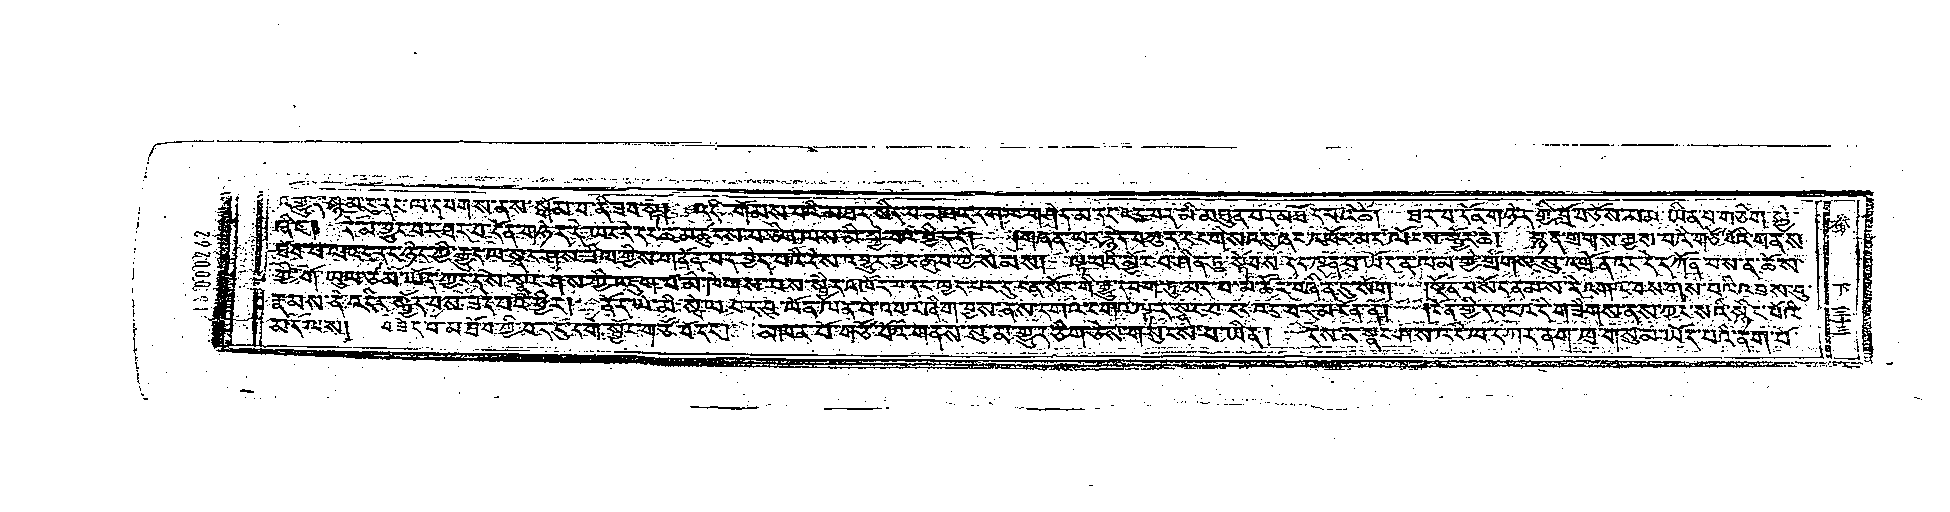འགྱུར་སྙམ་དུ་རང་ལ་དཔགས་ནས་སྒོམ་པ་ནི་ཟབ་སྟེ། འདི་གོམས་པའི་མཐར་སྲིད་པ་མཐའ་ངག་ལ་གཤེད་མ་རང་འདྲ་བར་མི་མཐུན་པར་མཐོང་བའི་ཚེ། ཐར་པ་དོན་གཉེར་གྱི་བློ་བཅོས་མམ་ཡིན་པ་གཅིག་སྐྱེ་
ཞིང་། དེ་མ་བྱུང་བར་ཐར་པ་དོན་གཉེར་དེ་ཡང་དེ་དང་ཆ་མཚུངས་པ་ཅིག་ལས་མི་སྐྱེ་བའི་ཕྱིར་རོ། །གཞན་ཡང་རྙེད་བཀུར་ངང་གིས་འདུ་ཞང་འཁོར་མང་ལོངས་སྤྱོད་ཆེ། སྙན་གྲགས་རྒྱས་པའི་གཙོ་བོའི་གནས་
ཐོབ་པ་ལའང་རང་ཉིད་ཀྱི་རྒྱུད་ལ་སྣང་ཤས་ཟིལ་གྱིས་གནོན་པར་བྱེད་པའི་ངེས་འབྱུང་བྱང་ཆུབ་ཀྱི་སེམས། ལྟ་བའི་མྱོང་བ་ཤིན་ཏུ་སྟོབས་དང་ལྡན་པ་ཡོད་ན་ལམ་གྱི་གྲོགས་སུ་འགྲོ་ནའང་དེ་དཀོན་པས་ན་ཆོས་
ཀྱི་གོ་ཡུལ་ཙམ་ཡོད་ཀྱང་དེས་སྣང་ཤས་ཀྱི་འཇུག་པ་མི་ཁེགས་པས་སྤྱིར་འཁོར་བ་དང་ཁྱད་པར་དུ་ངན་སོང་གི་རྒྱུ་དཔག་ཏུ་མང་པ་མ་ཚོང་བཞིན་དུ་སོག །སྔོན་བསོད་ནམས་རེ་འགའ་བསགས་པའི་འབྲས་བུ་
རྣམས་ནི་འདིར་སྤྱོད་པས་བྲང་བའི་ཕྱིར། ནོར་ཡེ་མི་སྤེལ་བར་བུ་ལོན་ལོན་པ་འབའ་ཞིག་བྱས་ནས་དགའ་དགའ་ལྟར་སྣང་བ་དང་འདྲ་བར་མངོན་ནོ། །དོན་གྱི་དབང་འདི་གཟིགས་ནས་ཀྱང་སའི་སྙིང་པོའི་
མདོ་ལས། བཟོད་པ་མཐོབ་ཀྱི་བར་དུ་དགེ་སྦྱོང་གཙོ་བོ་དང་། མཁན་པོ་གཙོ་བོའི་གནས་སུ་མ་གྱུར་ཅིག་ཅེས་གསུངས་པ་ཡིན། ངེས་ན་སྣང་ཤས་འདི་ལ་དཀར་ནག་ཁྲ་གསུམ་ཡོད་པའི་ནག་པོ་